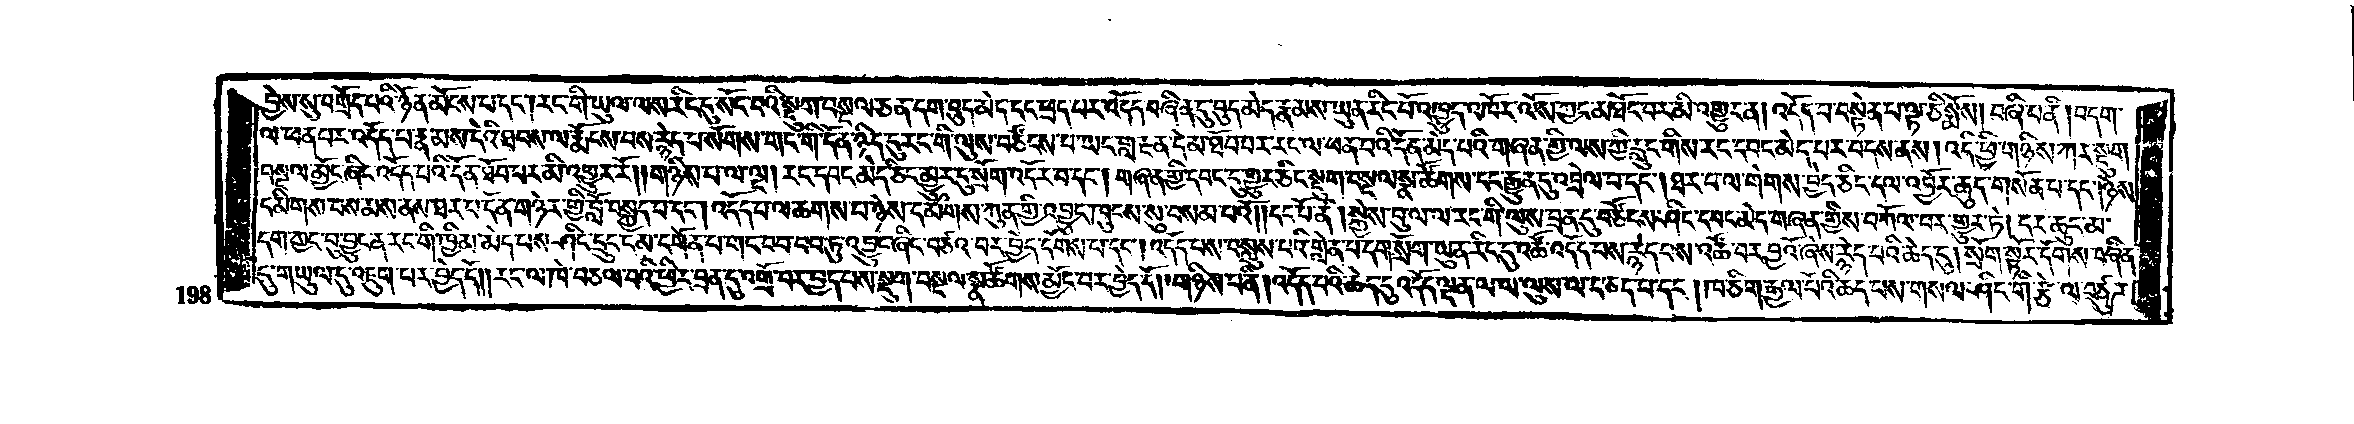བྱེད་སུ་བགྲོད་པའི་ཉོན་མོངས་པ་དང་། རང་གི་ཡུལ་ལས་རིང་དུ་སོང་བའི་སྡུག་བསྔལ་ཅན་དག་བུད་མེད་དང་ཕྲད་པར་འདོད་བཞིན་དུ་བུད་མེད་རྣམས་ཡུན་རིང་པོ་འཁྱུད་འཁོར་ལོས་ཀྱང་མཐོང་བར་མི་འགྱུར་ན། འདོད་པ་བསྟེན་པ་ལྟ་ཅི་སྨོས། བཞི་པ་ནི། བདག་
ལ་ཕན་པར་འདོད་པ་རྣམས་དེའི་ཐབས་ལ་རྨོངས་པས་རྙེད་པ་སོགས་གང་གི་དོན་ཉིད་དུ་རང་གི་ལུས་བཙོངས་པ་ཡང་གླ་རྔན་དེ་མ་ཐོབ་པར་རང་ལ་ཕན་པའི་དོན་མེད་པའི་གཞན་གྱི་ལས་ཀྱི་རླུང་གིས་རང་དབང་མེད་པར་བདས་ནས། འདི་ཕྱི་གཉིས་ཀར་སྡུག་
བསྔལ་མྱོང་ཞིང་འདོད་པའི་དོན་ཐོབ་པར་མི་འགྱུར་རོ། །གཉིས་པ་ལ་ལྔ། རང་དབང་མེད་ཅིང་མྱུར་དུ་སྲོག་འདོར་བ་དང་། གཞན་གྱི་དབང་དུ་གྱུར་ཅིང་སྡུག་བསྔལ་སྣ་ཚོགས་དང་རྒྱུན་དུ་འབྲེལ་པ་དང་། ཐར་པ་ལ་གེགས་བྱེད་ཅིང་དལ་འབྱོར་ཆུད་གསོན་པ་དང་། ཉོས་
དམིགས་པས་མས་ནས་ཐར་པ་དོན་གཉེར་གྱི་བོ་བསྐྱད་པ་དང་། འདོད་པ་ལ་ཆགས་པ་ཉེས་དམིགས་ཀུན་གྱི་འབྱུང་ཁུངས་སུ་བསམ་པའོ། །དང་པོ་ནི། སྐྱེས་བུ་ལ་ལ་རང་གི་ལུས་བྲན་དུ་བཙོངས་ཞིང་དབང་མེད་གཞན་གྱིས་བཀོལ་བར་གྱུར་ཏེ། དར་ཆུང་མ་
དག་ཀྱང་བུ་བྱུང་ན་རང་གི་ཁྱིམ་མེད་པས་ཞིང་དྲུང་ངམ་དགོན་པ་གང་བབ་བབ་ཏུ་འབྱུང་ཞིང་བཙའ་བར་བྱེད་དགོས་པ་དང་། འདོད་པས་བསླུས་པའི་གླེན་པ་དག་སྲོག་ཡུན་རིང་དུ་འཚོ་འདོད་པས་རྙེད་པས་འཚོ་བར་བྱའོ་ཞེས་རྙེད་པའི་ཆེད་དུ། སྲོག་སྟོར་དོགས་བཞིན་
དུ་གཡུལ་དུ་འཇུག་པར་བྱེད་དོ། །རང་ལ་ཁེ་བཅལ་བའི་ཕྱིར་བྲན་དུ་འགྲོ་བར་བྱད་པས་སྡུག་བསྔལ་སྣ་ཚོགས་མྱོང་བར་བྱེད་དོ། །གཉིས་པ་ནི། འདོད་པའི་ཆེད་དུ་འདོད་ལྡན་ལ་ལ་ལུས་ལ་ང?་ཅད་པ་དང་། ཁ་ཅིག་རྒྱལ་པོའི་ཆད་པས་བསལ་ཤིང་གི་རྩེ་ལ་བཙུགས་